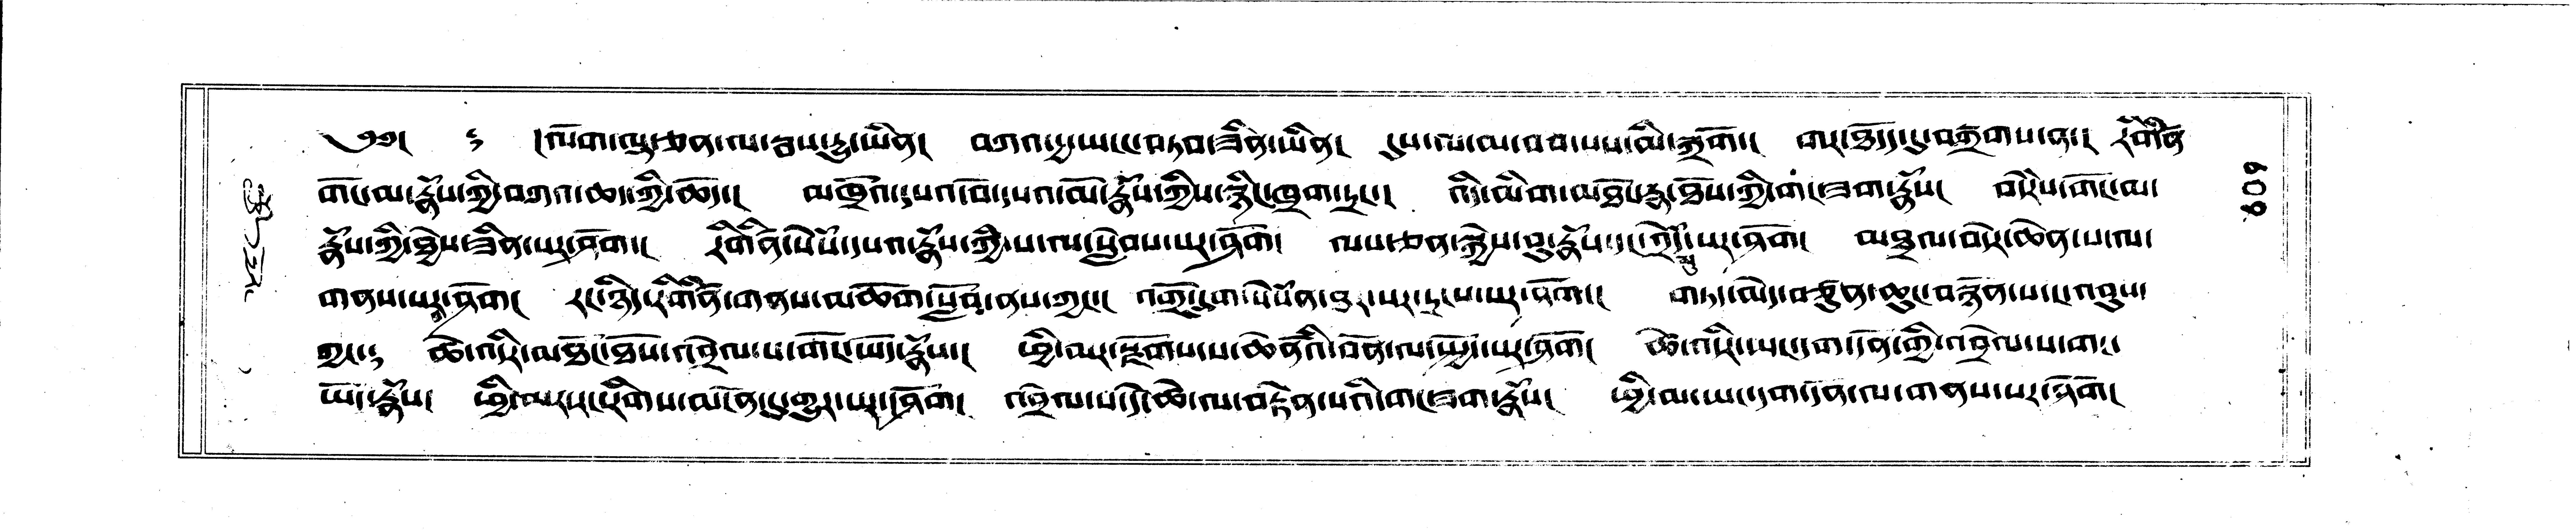ལྟ་ཅན་ལ་སྦས་རྒྱུ་ཡིན། བཀའ་རྒྱས་ཡང་ཡང་བཏབ་སིན་ཡིན་པས། དུས་ལ་མ་བབ་པའི་གནས་སུ་མི་བསྒྲག་གོ། གར་ཐོད་ཐོད་དུ་བསྒྲག་ན། རིག་འཛིན་
གོང་མ་རྣམས་ཀྱི་བཀའ་ཆད་ཆོད། མཁའ་འགྲོ་དབལ་མོ་རྣམས་ཀྱིས་སྙིང་ཁྲག་དྲོང་། འདི་མཐོང་བ་རྣམས་༼རྣ༽ཐོས་ཀྱིས་གང་ཟག་རྣམས། བདེར་གཤེགས་གོང་མ་
རྣམས་ཀྱི་ཐུགས་རྗེས་ཟིན་པ་ཤོག རིག་འཛིན་སེམས་དཔའ་རྣམས་ཀྱི་ས་ལ་སླེབ་པར་ཤོག ལས་ཅན་སྐྱེས་བུ་རྣམས་དང་གཉིས་སུ་མེད་པར་ཤོག མཐའ་བྲལ་བདེ་ཆེན་དོན་ལ་
གནས་པར་ཤོག རང་ཉིད་བདེ་ཆེན་གནས་མཆོག་སླེབ་ནས་ཀྱང་། འགྲོ་དྲུག་སེམས་ཅན་ཐར་པར་དྲོང་པར་ཤོག གཏད་མེད་བཙུན་ཆུང་བསྙོན་པ་ང་འབུས་
ཀྱང་། ཚེ་འདིར་མཐོང་ཐོས་ལས་འབྲེལ་གང་ཡོད་རྣམས། ཕྱི་མར་རྫོགས་ཆེན་བོན་ལ་སྤྱོད་པར་ཤོག ཚེ་འདིར་ཡང་དག་དོན་གྱིས་འབྲེལ་བའི་གང་
ཟགས་རྣམས། ཕྱི་མ་རང་རིག་མངོན་དུ་གྱུར་པར་ཤོག འབྲེལ་བ་དེ་ཚོ་ལ་བསྟན་པའི་གང་ཟག་རྣམས། ཕྱི་མ་ཡང་དག་དོན་ལ་གནས་པར་ཤོག དད་ཅན་